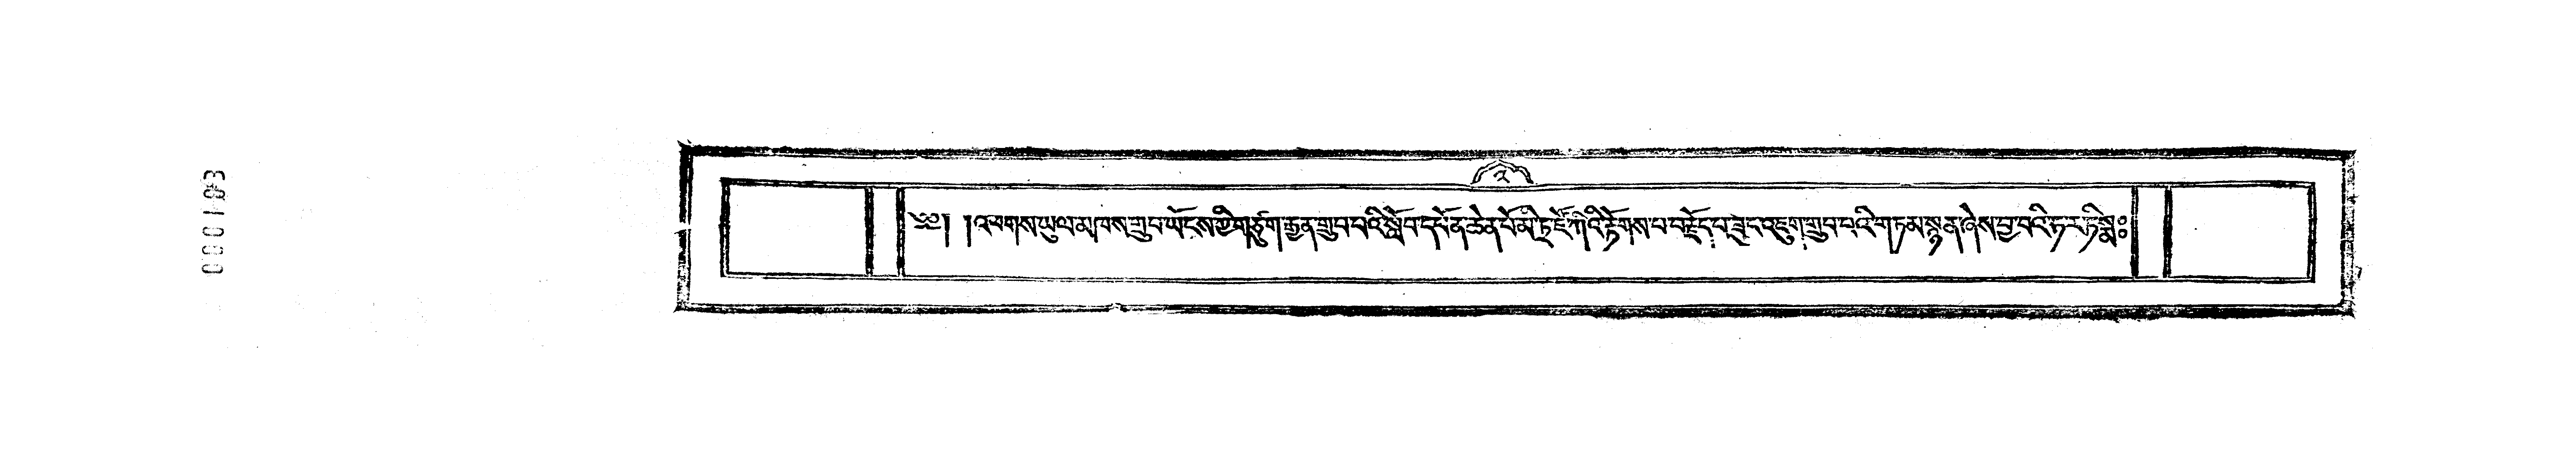༄༅། །འཕགས་ཡུལ་མཁས་གྲུབ་ཡོངས་ཀྱི་བཙུག་རྒྱན་གྲུབ་པའི་སློབ་དཔོན་ཆེན་པོ་མི་ཏྲ་ཛོ་ཀིའི་རྟོགས་ང་བརྗོད་པ་ཟུང་འཇུག་གྲུབ་པའི་གཏམ་སྙན་ཞེས་བྱ་བ་བི་ཧ་ར་ཏིསྨཿ